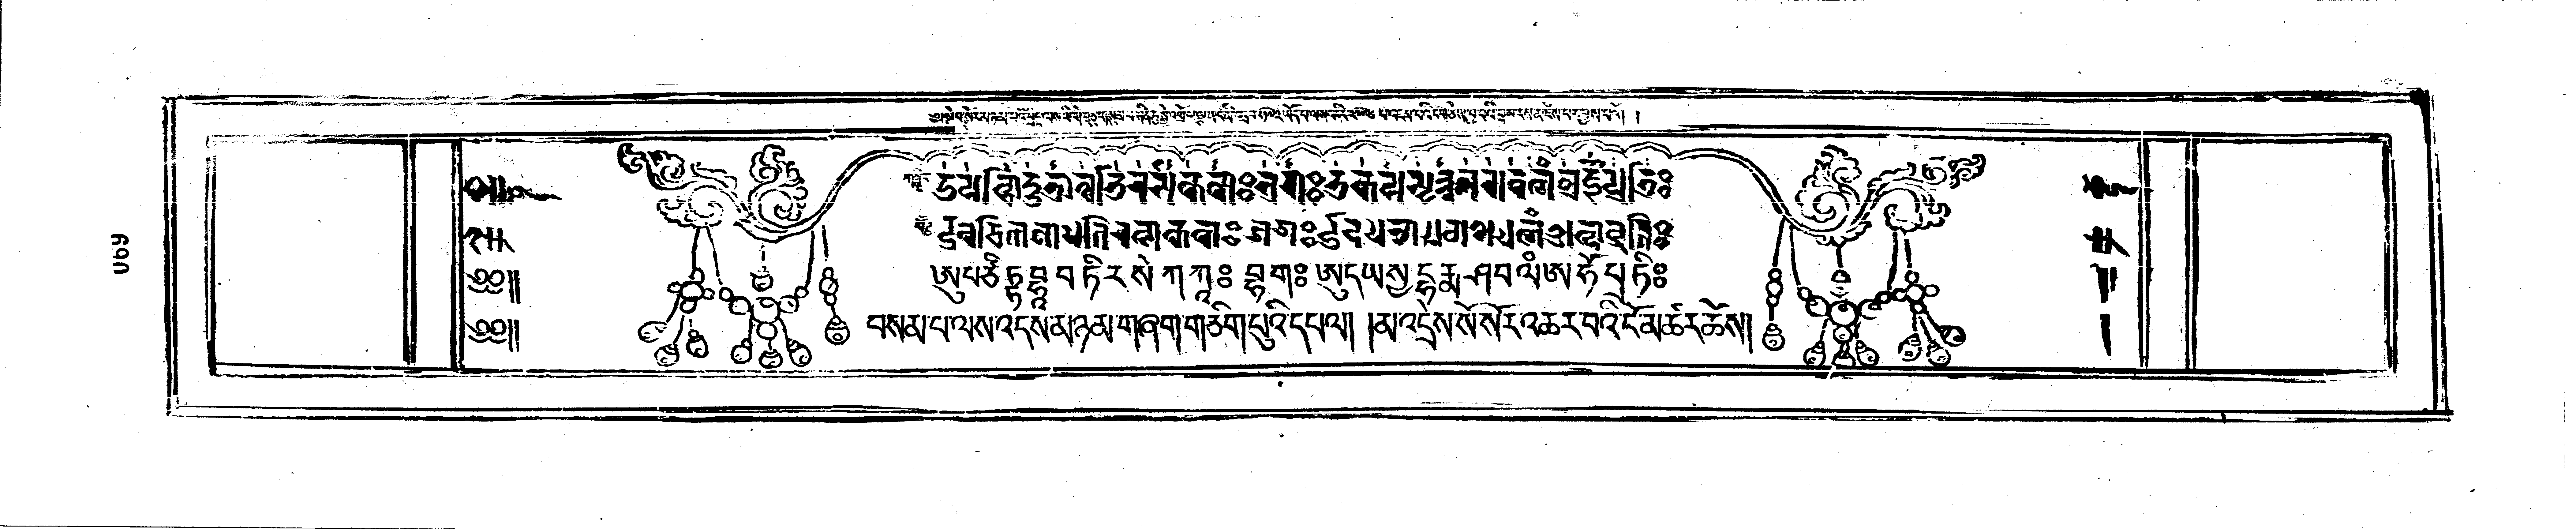༄༅།། ཨུ་པྩི་ཏྟ་བྷཱ་བ་ཏིར་སེ་ཀ་ཀཱཿབྷ་གཿཨུད་ཡ་སྱ་དྷརྨ་ཤབ་ལཾ་ཨ་ཧོ་པྲ་ཏིཿ །།
༄༅།། བསམ་པ་ལས་འདས་མཉམ་གཞག་གཅིག་པུའི་དཔལ། །མ་འདྲེས་སོ་སོར་འཆར་བའི་ངོ་མཚར་ཆོས།